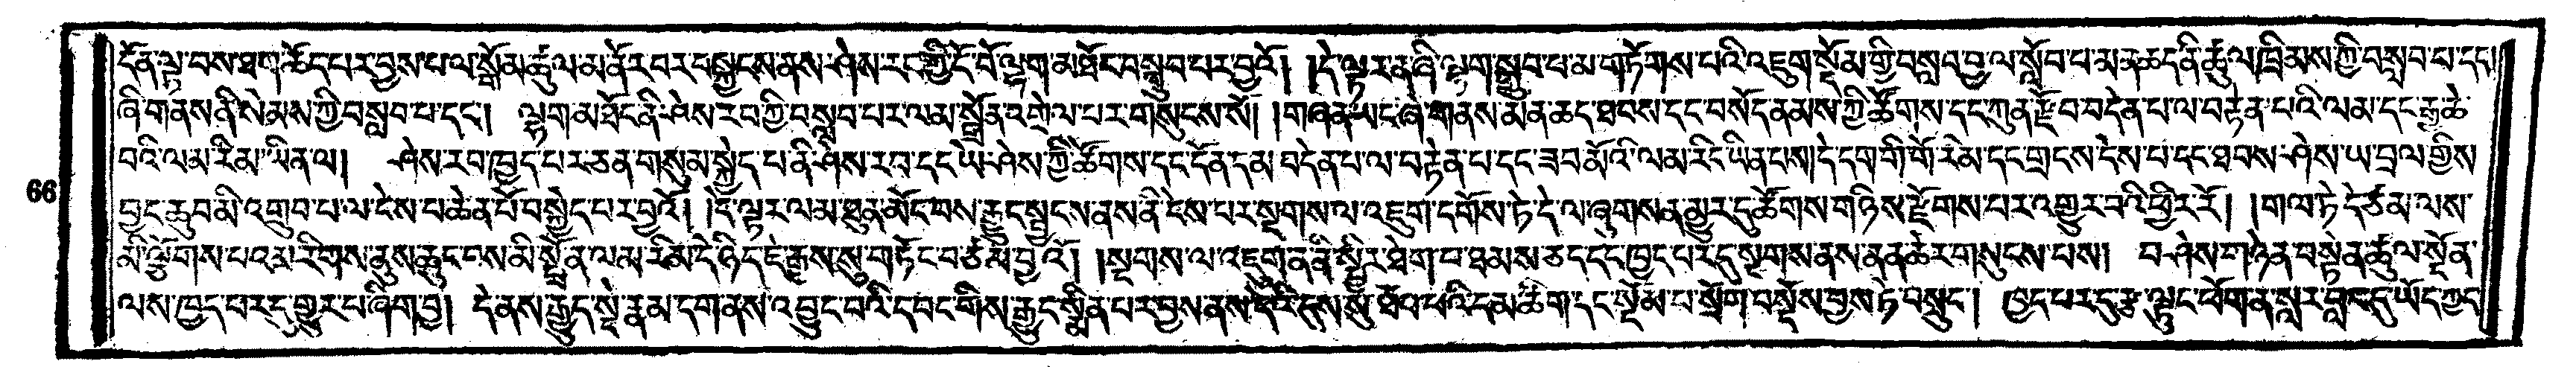དོན་ལྟ་བས་ཐག་ཆོད་པར་བྱས་པ་ལ་སྒོམ་ཚུལ་མ་ནོར་བར་བསྐྱངས་ནས་ཤེས་རང་གྱི་ངོ་བོ་ལྷག་མཐོང་བསྒྲུབ་པར་བྱའོ། །དེ་ལྟར་ན་ཞི་ལྷག་སྒྲུབ་པ་མ་གཏོགས་པའི་འཇུག་སྡོམ་གྱི་བསླབ་བྱ་ལ་སློབ་པ་མན་ཆད་ནི་ཚུལ་ཁྲིམས་ཀྱི་བསླབ་པ་དང་།
ཞི་གནས་ནི་སེམས་ཀྱི་བསླབ་པ་དང་། ལྷག་མཐོང་ནི་ཤེས་རབ་ཀྱི་བསླབ་པར་ལམ་སྒྲོན་འགྲེལ་པར་གསུངས་སོ། །གཞན་ཡང་ཞི་གནས་མན་ཆད་ཐབས་དང་བསོད་ནམས་ཀྱི་ཚོགས་དང་ཀུན་རྫོབ་བདེན་པ་ལ་བརྟེན་པའི་ལམ་དང་རྒྱ་ཆེ་
བའི་ལམ་རིམ་ཡིན་ལ། ཤེས་རབ་ཁྱད་པར་ཅན་གསུམ་སྐྱེད་པ་ནི་ཤེས་རབ་དང་ཡེ་ཤེས་ཀྱི་ཚོགས་དང་དོན་དམ་བདེན་པ་ལ་བརྟེན་པ་དང་ཟབ་མོའི་ལམ་རིང་ཡིན་པས། དེ་དག་གི་གོ་རིམ་དང་གྲངས་དེས་པ་དང་ཐབས་ཤེས་ཡ་བྲལ་གྱིས་
བྱང་ཆུབ་མི་འགྲུབ་པ་ལ་ངེས་པ་ཆེན་པོ་བསྐྱེད་པར་བྱའོ། །དེ་ལྟར་ལམ་ཐུན་མོང་བས་རྒྱུད་སྦྱངས་ནས་ནི་ངེས་པར་སྔགས་ལ་འཇུག་དགོས་ཏེ་དེ་ལ་ཞུགས་ན་མྱུར་དུ་ཚོགས་གཉིས་རྫོགས་པར་འགྱུར་བའི་ཕྱིར་རོ། །གལ་ཏེ་དེ་ཙམ་ལས་
མི་ལྕོགས་པའམ་རིགས་ནུས་ཆུང་བས་མི་སྤྲོན་ལམ་རིམ་དེ་ཉིད་ཇེ་རྒྱས་སུ་གཏོང་བ་ཙམ་བྱའོ། །སྔགས་ལ་འཇུག་ན་ནི་སྤྱིར་ཐེག་པ་ཐམས་ཅད་དང་ཁྱད་པར་དུ་སྔགས་ནས་ནན་ཆེར་གསུངས་པས། བཤེས་གཉེན་བསྟེན་ཚུལ་སྔོན་
ལས་ཁྱད་པར་དུ་གྱུར་པ་ཞིག་བྱ། དེ་ནས་རྒྱུད་སྡེ་རྣམ་དག་ནས་འབྱུང་བའི་དབང་གིས་རྒྱུད་སྨིན་པར་བྱས་ནས་དེའི་དུས་སུ་ཐོབ་ཕའི་དམ་ཚིག་དང་སྔོམ་པ་སྲོག་བསྡོས་བྱས་ཏེ་བསྲུང་། ཁྱད་པར་དུ་རྩ་ལྟུང་ཕོག་ན་སླར་བླང་དུ་ཡོད་ཀྱང་